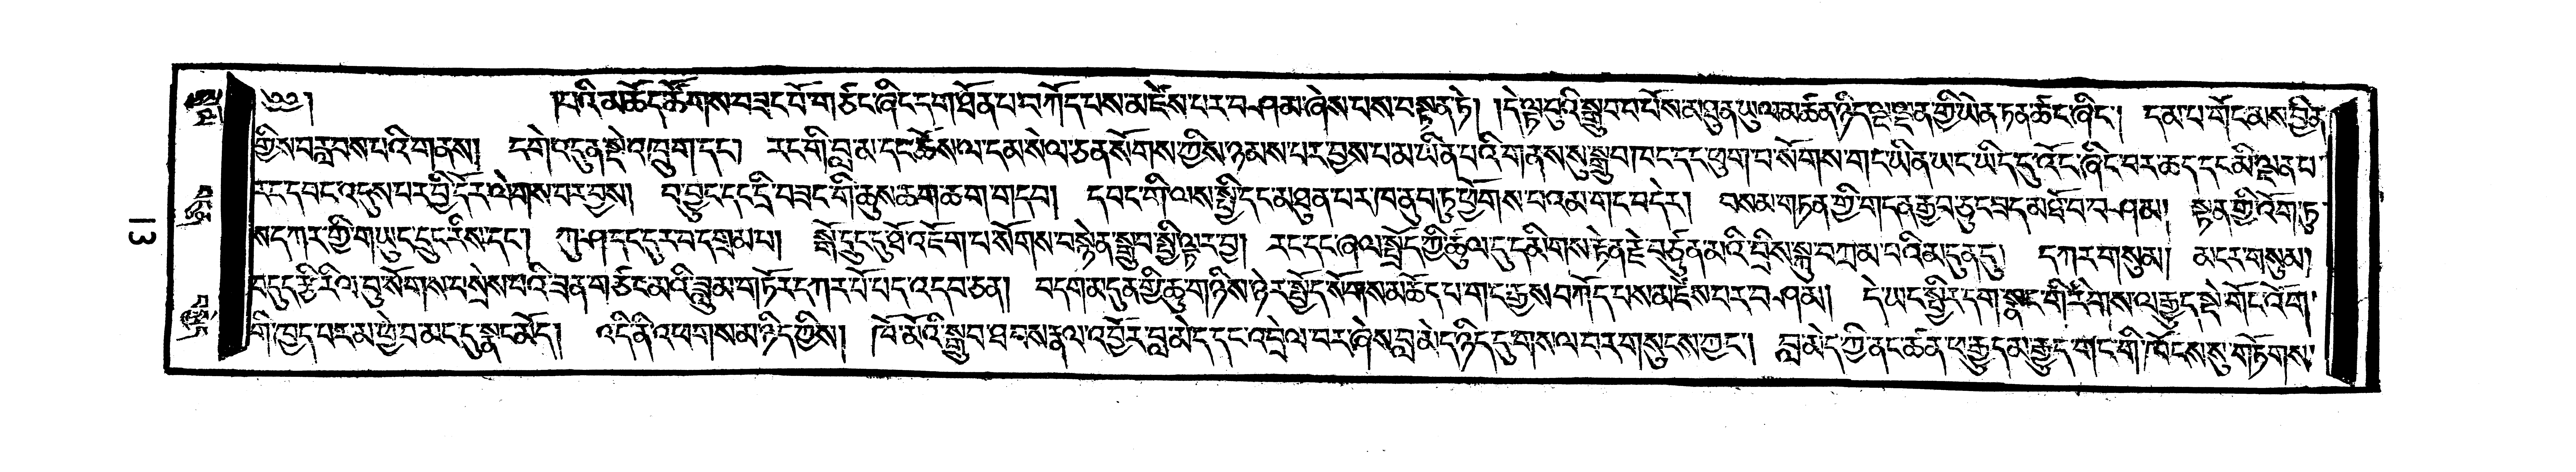༄༅། །པའི་མཆོད་ཚོགས་བཟང་པོ་གཙང་ཞིང་དག་ཐོན་པ་བཀོད་པས་མཛེས་པར་བཤམ་ཞེས་པས་བསྟན་ཏེ། དེ་ལྟ་བུའི་སྒྲུབ་པ་པོས་མཐུན་ཡུལ་མཚན་ཉིད་ལྔ་ལྡན་གྱི་ཡོན་ཏན་ཚང་ཞིང་། དམ་པ་གོང་མས་བྱིན་
གྱིས་བརླབས་པའི་གནས། དགེ་འདུན་སྡེ་འཁྲུག་དང་། རང་གི་བླ་མ་དང་ཆོས་ལ་དམ་སེལ་ཅན་སོགས་ཀྱིས་ཉམས་པར་བྱས་པ་མ་ཡིན་པའི་གནས་སུ་སྒྲུབ་ཁང་དང་ཕུག་པ་སོགས་གང་ཡིན་ཡང་ཡིད་དུ་འོང་ཞིང་པར་ཆད་དང་མི་ལྡན་པ་
རང་དབང་འདུས་པར་བྱི་དོར་ལེགས་པར་བྱས། བ་བྱུང་དང་དྲི་བཟང་གི་ཆུས་ཆག་ཆག་གདབ། དབང་གི་ལས་སྤྱི་དང་མཐུན་པར་ཁ་ནུབ་ཏུ་ཕྱོགས་པའམ་གང་བདེར། བསམ་གཏན་གྱི་གདན་རྒྱབ་ཅུང་ཟད་མཐོབ་བཤམ། སྟན་གྱི་འོག་ཏུ་
ས་དཀར་གྱི་གཡུང་དྲུང་རིས་དང་། ཀུ་ཤ་དང་དུར་བ་དགྲམ་པ། སྒོ་དྲུང་དུ་ཐོ་འཇོག་པ་སོགས་བསྙེན་སྒྲུབ་སྤྱི་ལྟར་བྱ། རང་དང་ཞལ་སྤྲོད་ཀྱི་ཚུལ་དུ་དམིགས་རྟེན་རྗེ་བཙུན་མའི་བྲིས་སྐུ་བཀྲམ་པའི་མདུན་དུ། དཀར་གསུམ། མངར་གསུམ།
བདུད་རྩི་རིལ་བུ་སོགས་བསྲེས་པའི་ཟན་གཙང་མའི་ཟླུམ་གཏོར་དཀར་པོ་པད་འདབ་ཅན། བདག་མདུན་གྱི་ཆུ་གཉིས་ཉེར་སྤྱོད་སོགས་མཆོད་པ་གང་རྒྱས་བཀོད་པ་མཛོས་པར་བཤམ། དེ་ཡང་སྤྱིར་དག་སྣང་གི་རིགས་ལ་རྒྱུད་སྡེ་གོང་འོག་
གི་ཁྱད་པར་མ་ཕྱེ་བ་མང་དུ་སྣང་མོད། འདི་ནི་འཕགས་མ་ཉིད་ཀྱིས། ཁོ་མོའི་སྒྲུབ་ཐབས་རྣལ་འབྱོར་བླ་མེད་དང་འབྲེལ་བར་ཞེས་བླ་མེད་ཉིད་དུ་གསལ་བར་གསུངས་ཀྱང་། བླ་མེད་ཀྱི་ནང་ཚན་ཕ་རྒྱུད་མ་རྒྱུད་གང་གི་ཁོངས་སུ་གཏོགས་